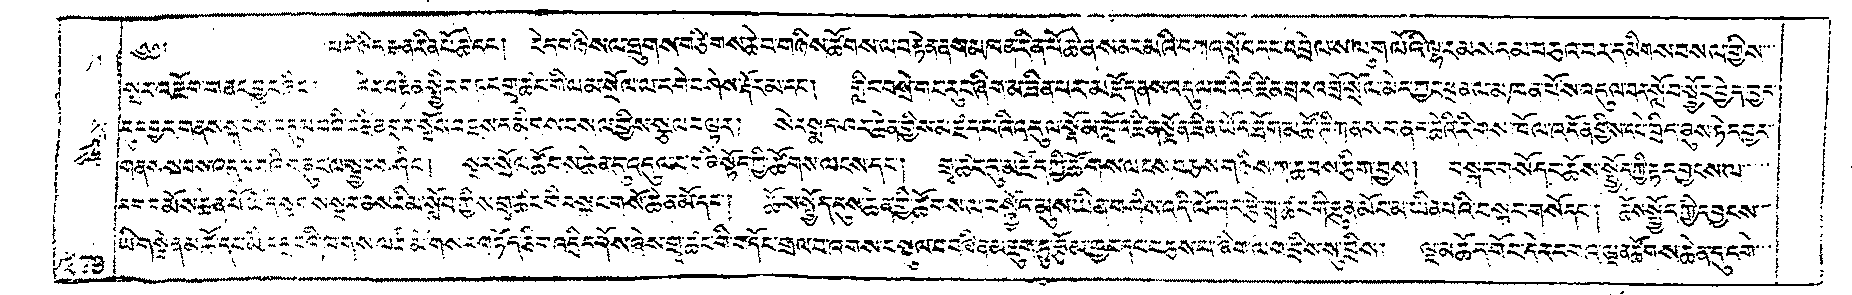༄༅། །པ་དེ་ཉིད་རྒན་རིན་པོ་ཆེ་དང་། ངེད་གཉིས་ལ་ཐུགས་གཙིགས་ཆེ་བ་གཉིས་ཚོགས་ལ་བརྟེན་ནས་མཁན་རིན་པོ་ཆེ་ནས་ནང་མའི་བཀའ་སློབ་དང་འབྲེལ་ས་ལུག་ལོའི་ལྷ་རམས་དམ་བཅའ་བར་དམིགས་བསལ་གྱིས་
སྤར་འཇོག་གནང་བྱུང་ཞིང་། དེར་བརྟེན་སྤྱིར་བཏང་གྲྭ་ཚང་གི་ལམ་སྲོལ་ལ་དགེ་བཤེས་རྡོ་རམ་དང་། གླིང་བསྲེ་གང་རུང་ཞིག་མ་ཟིན་པར་མཛོད་ནས་འདུལ་བའི་འཛིན་གྲར་འགྲོ་སྲོལ་མེད་ཀྱང་ཕྲན་ལ་མཁན་པོས་འདུལ་བར་སློབ་སྦྱོང་བྱེད་ཁྱད་
དུ་དབྱར་གནས་སྐབས་འདུལ་བའི་འཛིན་གྲར་སྤོས་འཐས་དམིགས་བསལ་གྱིས་སྩལ་བ་ལྟར། སེར་སྨད་ཤར་ཆེན་གྱིས་མཛད་པའི་འདུལ་སྡོམ་བློ་འཛིན་སྔོན་ཟིན་ཡོད་ཐོག་མཚོ་ཊི་ཀ་ནས་གནད་ཆེའི་རིགས་ཁོལ་འདོན་གྱིས་དཔེ་ཁྲིད་ཞུས་ཏེ་དབྱར་
གནས་སྐབས་འདུལ་བའི་གཞུང་ལ་སྦྱངས་ཤིང་། སྔར་སྲོལ་ཚོགས་ཆེན་དུ་འདུལ་བ་གཞི་སྟོད་ཀྱི་ཚོགས་ལངས་དང་། གྲྭ་ཚང་དུ་མཛོད་ཀྱི་ཚོགས་ལངས་བཅས་གཉིས་ཀ་ཆབས་ཅིག་བྱས། བསྐང་གསོ་དང་ཆོས་སྤྱོད་ཀྱི་རྟ་དབྱངས་ལ་
དགའ་མོས་ཆེན་པོ་ཡོད་སྟབས་སྔར་ནས་རིམ་སློབ་ཀྱིས་གྲྭ་ཚང་གི་བསྐང་གསོ་ཆེན་མོ་དང་། ཆོས་སྤྱོད་དུས་ཆེན་གྱི་ཚོགས་ལ་བསྐྱོད་མུས་ཡིན་གཤིས་འདི་ལོ་ཤར་རྩེ་གྲྭ་ཚང་གི་ཐུན་མོང་མ་ཡིན་པའི་བསྐང་གསོ་དང་། ཆོས་སྤྱོད་ཀྱི་དབྱངས་
ཡིག་སྔོན་མཚོ་དང་མི་འདྲ་བའི་ཁ་གསལ་རི་མོ་གསར་གཏོད་ཅིག་འདྲི་དགོས་ཞེས་གྲྭ་ཚང་གི་གདོང་གྲལ་བ་འགས་བསྐུལ་བ་བཞིན་མཇུག་ཏུ་རྩོམ་བྱང་དང་བཅས་པ་ཞིག་ལག་བྲིས་སུ་བྲིས། ལྔ་མཆོད་གོང་དེར་དགའ་ལྡན་ཚོགས་ཆེན་དུ་དགེ་